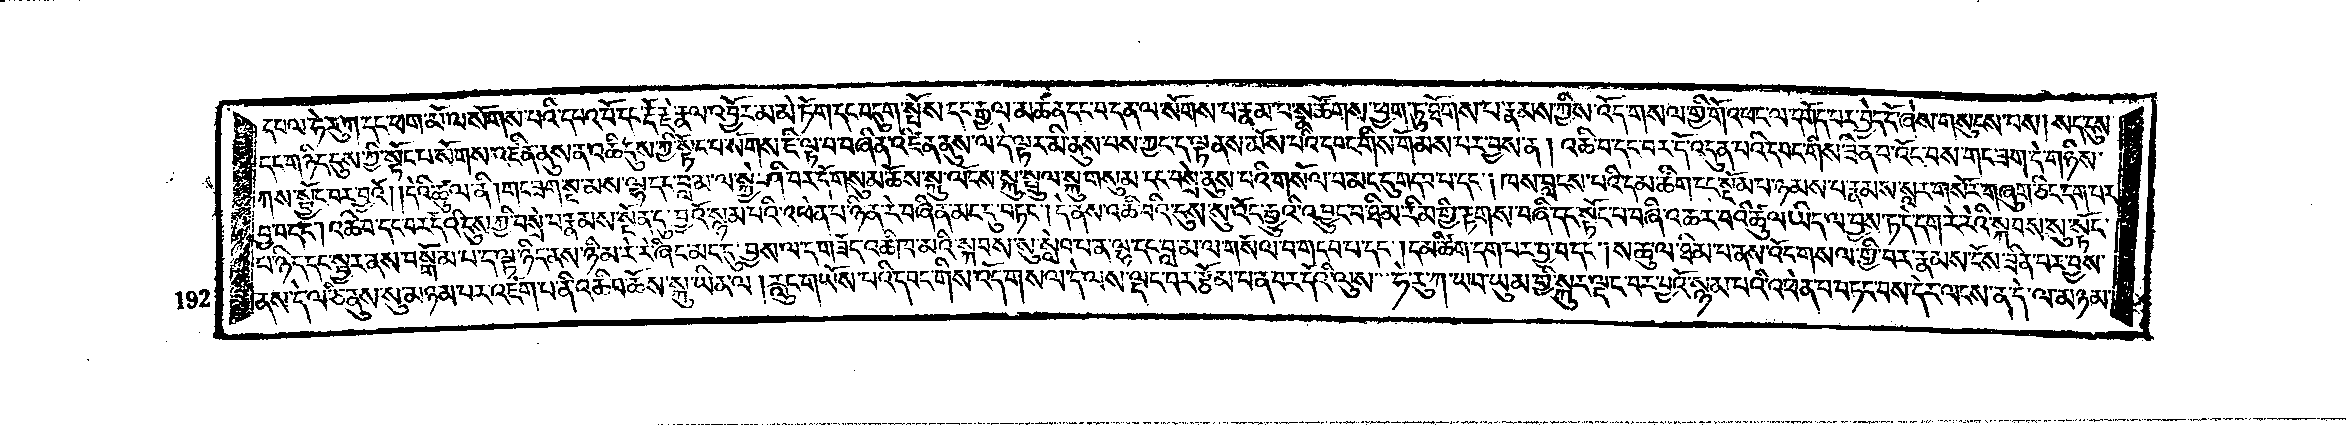དཔལ་ཧེ་རུ་ཀ་དང་ཕག་མོ་ལ་སོགས་པའི་དཔའ་བོ་དང་རྡོ་རྗེ་རྣལ་འབྱོར་མ་མེ་ཏོག་དང་བདུག་སྤོས་དང་རྒྱལ་མཚན་དང་བ་དན་ལ་སོགས་པ་རྣམ་པ་སྣ་ཚོགས་ཕྱག་ཏུ་ཐོགས་པ་རྣམས་ཀྱིས་འོད་གསལ་གྱི་གོ་འཕང་ལ་དགོད་པར་བྱེད་དོ་ཞེས་གསུངས་པས། སད་དུས་
དང་གཉིད་དུས་ཀྱི་སྟོང་པ་སོགས་འཛིན་ནུས་ན་འཆི་དུས་ཀྱི་སྟོང་པ་སོགས་ཇི་ལྟ་བ་བཞིན་འཛིན་ནུས་ལ་དེ་ལྟར་མི་ནུས་པས་ཀྱང་ད་ལྟ་ནས་མོས་པའི་དབང་གིས་གོམས་པར་བྱས་ན། འཆི་བ་དང་བར་དོ་འདུན་པའི་དབང་གིས་ཟིན་པ་འོང་བས་གང་ཟག་དེ་གཉིས་
ཀས་སྦྱོར་བར་བྱའོ། །དེའི་ཚུལ་ནི། གང་ཟག་སྔ་མས་ལྷ་དང་བླ་མ་ལ་སྐྱེ་ཤི་བར་དོ་གསུམ་ཆོས་སྐུ་ལོངས་སྐུ་སྤྲུལ་སྐུ་གསུམ་དང་བསྲེ་ནུས་པའི་གསོལ་བ་མང་དུ་གདབ་པ་དང་། ཁས་བླངས་པའི་དམ་ཚིག་དང་སྡོམ་པ་ཉམས་པ་རྣམས་སླར་གསོར་གཞུག་ཅིང་དག་པར་
བྱ་བ་དང་། འཆི་བ་དང་བར་དོའི་དུས་ཀྱི་བསྲེ་བ་རྣམས་སྔོན་དུ་བྱའོ་སྙམ་པའི་འཕེན་པ་ཉི་ན་རེ་བཞིན་མང་དུ་བཏང་། དེ་ནས་འཆི་བའི་དུས་སུ་འོང་རྒྱུའི་འབྱུང་བ་ཐིམ་རིམ་གྱི་རྟགས་བཞི་དང་སྟོང་པ་བཞི་འཆར་བའི་ཚུལ་ཡིད་ལ་བྱས་ཏེ་དེ་དག་རེ་རེའི་སྐབས་སུ་སྟོང་
པ་ཉིད་དང་སྦྱར་ནས་བསྒོམ་པ་ད་ལྟ་ཉིད་ནས་ཉི་མ་རེ་རེ་ཞིང་མང་དུ་བྱས་ལ་ད་གཟོད་འཆི་ཁ་མའི་སྐབས་སུ་སླེབ་པ་ན་ལྷ་དང་བླ་མ་ལ་གསོལ་བ་གདབ་པ་དང་། དམ་ཚིག་དག་པར་བྱ་བ་དང་། ས་ཆུ་ལ་ཐིམ་པ་ནས་འོད་གསལ་གྱི་བར་རྣམས་ངོས་ཟིན་པར་བྱས་
ནས་དེ་ལ་ཅི་ནུས་སུ་མཉམ་པར་འཇོག་པ་ནི་འཆི་བ་ཆོས་སྐུ་ཡིན་ལ། རླུང་གཡོས་པའི་དབང་གིས་འོད་གསལ་དེ་ལས་ལྡང་བར་རྩོམ་པ་ན་བར་དོའི་ལུས་ཧེ་རུ་ཀ་ཡབ་ཡུམ་གྱི་སྐུར་ལྡང་བར་བྱའོ་སྙམ་པའི་འཕེན་པ་བཏང་བས་དེར་ལངས་ན་དེ་ལ་མཉམ་